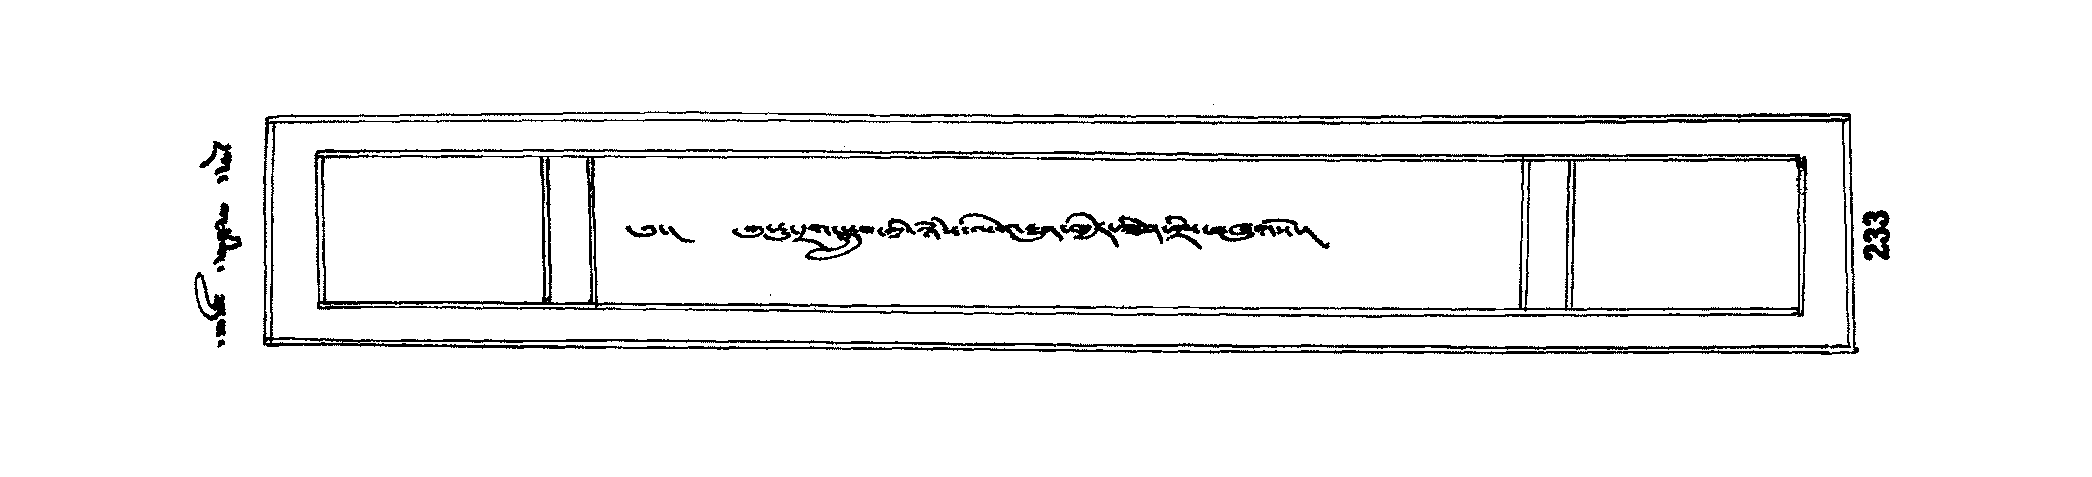༄༅། གུ་རུ་དྲག་སྒྲུབ་ཀྱི་ཉམས་ལེན་རྒྱུན་ཁྱེར་ཟིན་ཕྲིས་བཞུགས་སོ།